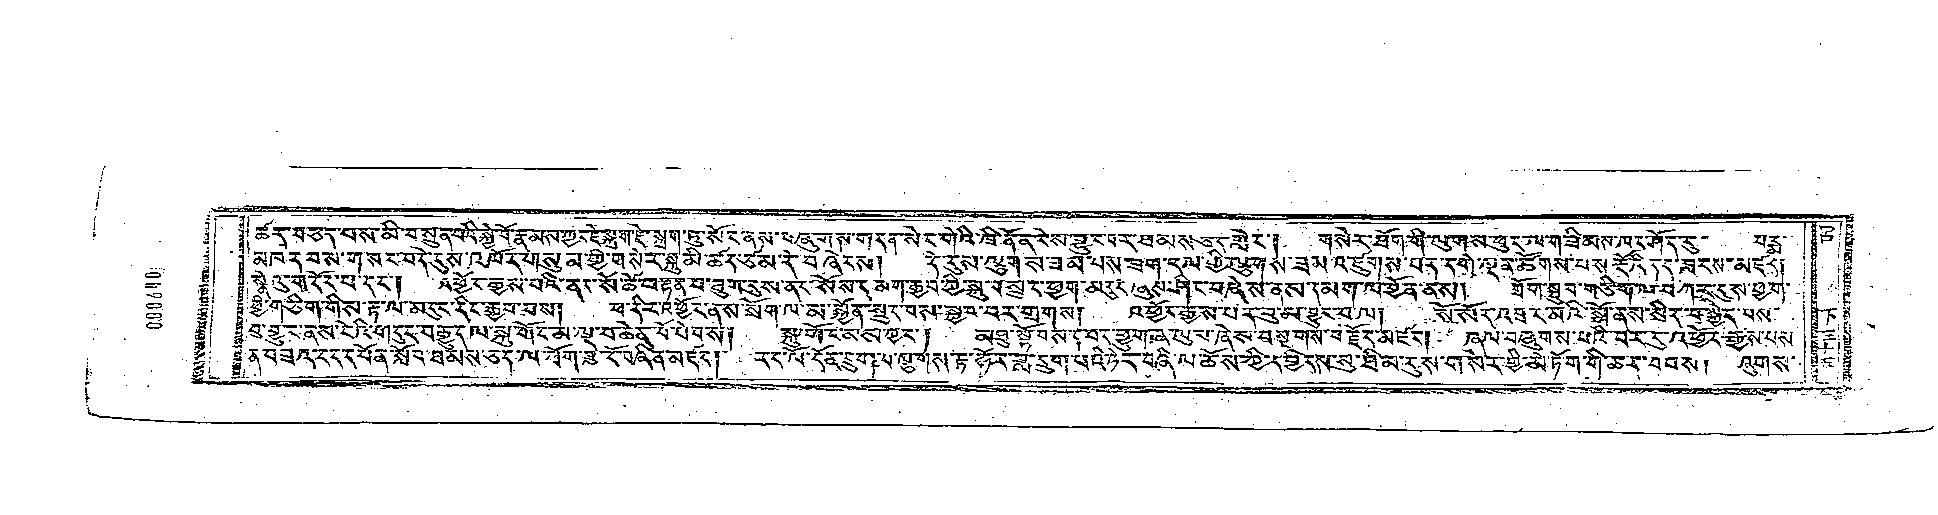ཚར་བཅད་པས་མི་བསྲུན་པའི་སྐྱེ་བོ་རྣམས་ཀྱང་ཇེ་སྐྲག་ཏུ་སོང་ནས་བཞུགས་གདན་སེང་གེའི་ཁྲི་ནོན་ངེས་བྱུང་བར་ཐམས་ཅད་གླེང་། གསེར་ཐོག་གི་ལུགས་ཕུར་ལ་གཟིམས་ཁང་ཤོད་དུ། པདམ་
མཁར་བས་གསང་བདེ་དུས་འཁོར་གསུམ་གྱི་གསེར་སྐུ་མི་ཚད་ཙམ་རེ་བཞེངས། དེ་དུས་ལྕགས་ཟམ་པས་བྲག་རལ་གྱི་ལྕགས་ཟམ་འཛུགས་པར་དགེ་ལྡན་ཚོགས་པས་རྡོའི་དད་བླངས་མཛད།
སྣེའུ་གདོང་པ་དང་། འཕྱོང་རྒྱས་པའི་ནང་སོ་ཚེ་བརྟན་པ་ཐུག་དུས་ནང་སོས་དམག་རྒྱབ་ཀྱི་སྐུ་བསྲུང་ཕྱག་མདུང་ཞུས་ཤིང་བཞེས་ནས་དམག་ལ་བྱོན་ནས། གྲོག་སྦུབ་གཅིག་ལ་བཀར་དུས་ཕྱག་
ཕྱི་གཅིག་གིས་རྟ་ལ་མདུང་རིང་རྒྱབ་པས། ཕ་རིར་འཕྱོང་ནས་སྲོག་ལ་མ་སྐྱོན་སྲུང་བས་སྐྱབ་པར་གྲགས། འཕྱོང་རྒྱས་པར་བུ་མ་བྱུང་བ་ལ། སོ་སོར་འབྲང་མའི་སྒོ་ནས་སྲིད་བསྐྱེད་པས་
བུ་བྱུང་ནས་དེའི་གདུང་བརྒྱུད་ལ་སྐུ་གོང་མ་ལྔ་པ་ཆེན་པོ་ཕེབས། སྐུ་གོང་མས་ཀྱང་། མཐུ་སྟོབས་དབང་ཕྱུག་ཞ་ལུ་པ་ཞེས་གྤ་སྔགས་བརྗོད་མཛད། ཞལ་བཞུགས་པའི་བར་དུ་འཕྱོང་རྒྱས་པས་
ན་བཟའ་ངང་དཔོན་སློབ་ཐམས་ཅད་ལ་ཀོག་ཟླ་ངོ་བཞིན་མཛད། རང་ལོ་དོན་དྲུག་པ་ལྕགས་རྟ་ཧོར་ཟླ་དྲུག་པའི་ཉེར་བཞི་ལ་ཆོས་ཀྱི་དབྱིངས་སུ་ཐིམ་དུས་གསེར་གྱི་མེ་ཏོག་གི་ཆར་བབས། ཞུགས་